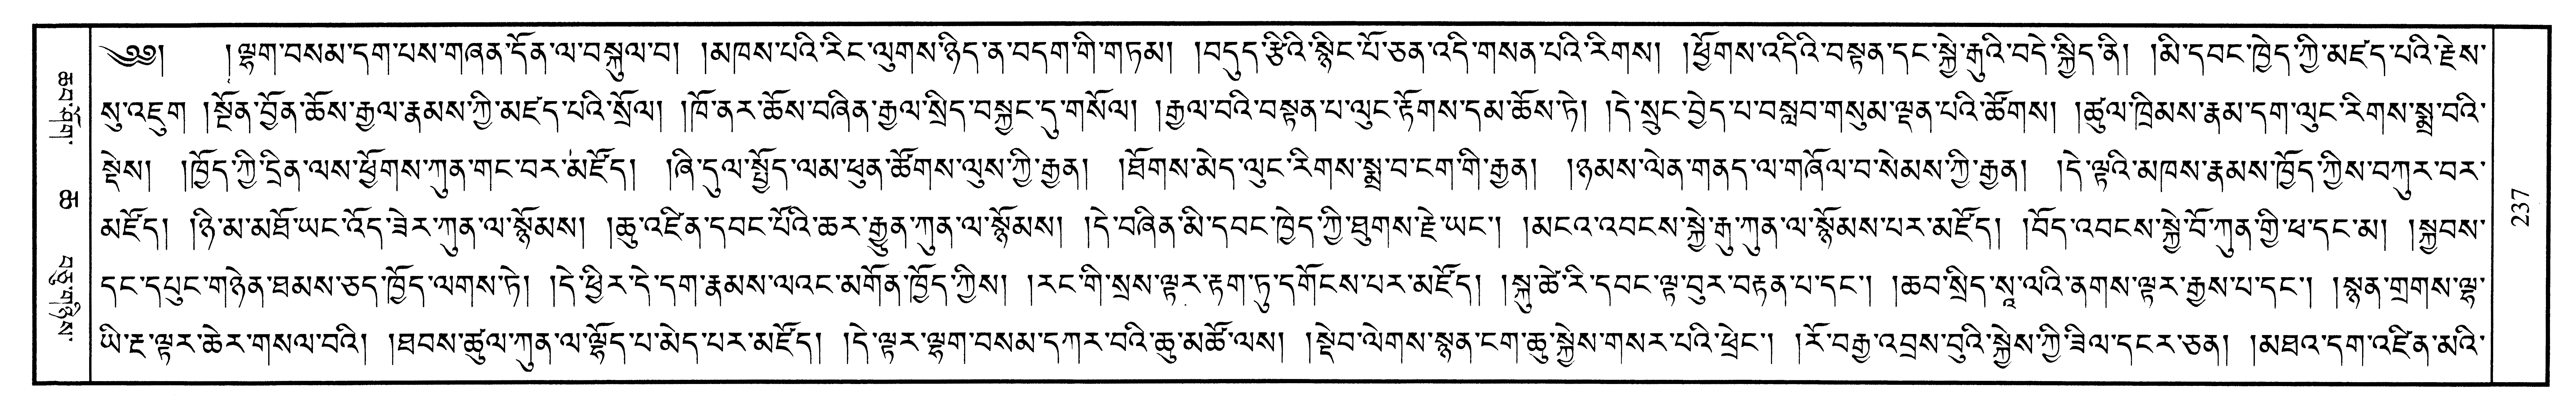༄༅། །ལྷག་བསམ་དག་པས་གཞན་དོན་ལ་བསྐུལ་བ། །མཁས་པའི་རིང་ལུགས་ཉིད་ན་བདག་གི་གཏམ། །བདུད་རྩིའི་སྙིང་པོ་ཅན་འདི་གསན་པའི་རིགས། །ཕྱོགས་འདིའི་བསྟན་དང་སྐྱེ་རྒུའི་བདེ་སྐྱིད་ནི། །མི་དབང་ཁྱེད་ཀྱི་མཛད་པའི་རྗེས་
སུ་འཇུག །སྔོན་བྱོན་ཆོས་རྒྱལ་རྣམས་ཀྱི་མཛད་པའི་སྲོལ། །ཁོ་ནར་ཆོས་བཞིན་རྒྱལ་སྲིད་བསྐྱང་དུ་གསོལ། །རྒྱལ་བའི་བསྟན་པ་ལུང་རྟོགས་དམ་ཆོས་ཏེ། །དེ་སྲུང་བྱེད་པ་བསླབ་གསུམ་ལྡན་པའི་ཚོགས། །ཚུལ་ཁྲིམས་རྣམ་དག་ལུང་རིགས་སྨྲ་བའི་
སྡེས། །ཁྱོད་ཀྱི་དྲིན་ལས་ཕྱོགས་ཀུན་གང་བར་མཛོད། །ཞི་དུལ་སྤྱོད་ལམ་ཕུན་ཚོགས་ལུས་ཀྱི་རྒྱན། །ཐོགས་མེད་ལུང་རིགས་སྨྲ་བ་ངག་གི་རྒྱན། །ཉམས་ལེན་གནད་ལ་གཞོལ་བ་སེམས་ཀྱི་རྒྱན། །དེ་ལྟའི་མཁས་རྣམས་ཁྱོད་ཀྱིས་བཀུར་བར་
མཛོད། །ཉི་མ་མཐོ་ཡང་འོད་ཟེར་ཀུན་ལ་སྙོམས། །ཆུ་འཛིན་དབང་པོའི་ཆར་རྒྱུན་ཀུན་ལ་སྙོམས། །དེ་བཞིན་མི་དབང་ཁྱེད་ཀྱི་ཐུགས་རྗེ་ཡང་། །མངའ་འབངས་སྐྱེ་རྒུ་ཀུན་ལ་སྙོམས་པར་མཛོད། །བོད་འབངས་སྐྱེ་བོ་ཀུན་གྱི་ཕ་དང་མ། །སྐྱབས་
དང་དཔུང་གཉེན་ཐམས་ཅད་ཁྱོད་ལགས་ཏེ། །དེ་ཕྱིར་དེ་དག་རྣམས་ལའང་མགོན་ཁྱོད་ཀྱིས། །རང་གི་སྲས་ལྟར་རྟག་ཏུ་དགོངས་པར་མཛོད། །སྐུ་ཚེ་རི་དབང་ལྟ་བུར་བརྟན་པ་དང་། །ཆབ་སྲིད་སཱ་ལའི་ནགས་ལྟར་རྒྱས་པ་དང་། །སྙན་གྲགས་ལྷ་
ཡི་རྔ་ལྟར་ཆེར་གསལ་བའི། །ཐབས་ཚུལ་ཀུན་ལ་ལྷོད་པ་མེད་པར་མཛོད། །དེ་ལྟར་ལྷག་བསམ་དཀར་བའི་ཆུ་མཚོ་ལས། །སྡེབ་ལེགས་སྙན་ངག་ཆུ་སྐྱེས་གསར་པའི་ཕྲེང་། །རོ་བརྒྱ་འབྲས་བུའི་སྐྱེས་ཀྱི་ཟིལ་དངར་ཅན། །མཐའ་དག་འཛིན་མའི་